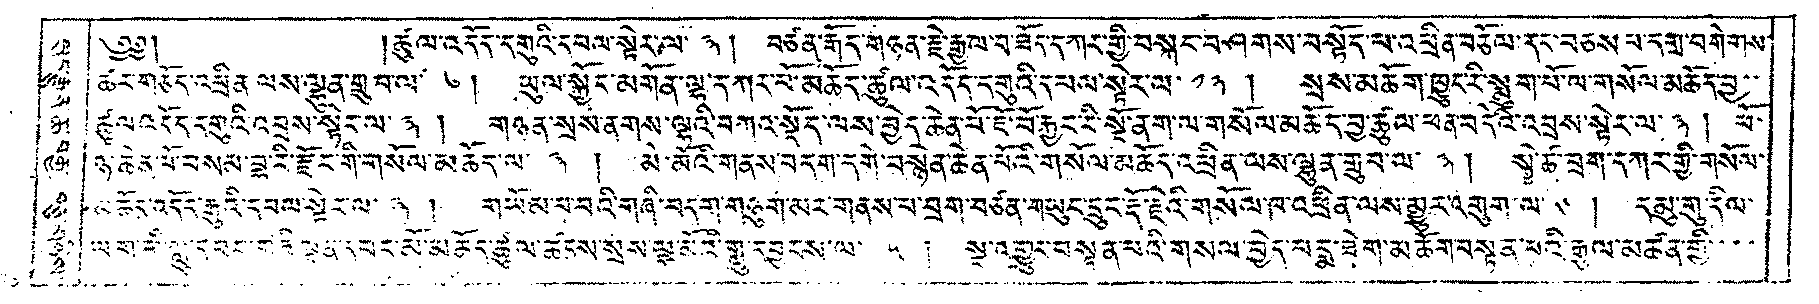༄༅། །ཚུལ་འདོད་དགུའི་དཔལ་སྟེར་ལ ༣། བཙན་རྒོད་གཉན་རྗེ་རྒྱལ་བ་ཐོད་དཀར་གྱི་བསྐང་བཤགས་བསྟོད་པ་འཕྲིན་བཅོལ་དང་བཅས་པ་དགྲ་བགེགས་
ཚར་གཅོད་འཕྲིན་ལས་ལྷུན་གྲུབ་ལ ༦། ཡུལ་སྐྱོང་མགོན་ལྷ་དཀར་པོ་མཆོད་ཚུལ་འདོད་དགུའི་དཔལ་སྟེར་ལ ༡༢། སྲས་མཆོག་ཁྱུང་རི་སྨུག་པོ་ལ་གསོལ་མཆོད་བྱ་
ཚུལ་འདོད་དགུའི་འབྲས་སྟེར་ལ ༣། གཉན་སྲས་ནགས་ལྷའི་བཀའ་སྡོད་ལས་བྱེད་ཆེན་པོ་ཇོ་བོ་རྐྱང་རི་སྔོ་ནག་ལ་གསོལ་མཆོད་བྱ་ཚུལ་ཕན་བདེའི་འབྲས་སྟེར་ལ ༣། ཕོ་
ཉ་ཆེན་པོ་བསམ་བྷ་རི་རྫོང་གི་གསོལ་མཆོད་ལ ༣། མེ་མོའི་གནས་བདག་དགེ་བསྙེན་ཆེན་པོའི་གསོལ་མཆོད་འཕྲིན་ལས་ལྷུན་གྲུབ་ལ ༣། སྐྱེ་ཚ་བྲག་དཀར་གྱི་གསོལ་
མཆོད་འདོད་རྒུའི་དཔལ་སྟེར་ལ ༣། གཡོམ་པ་བའི་གཞི་བདག་གཉུག་མར་གནས་པ་བྲག་བཙན་གཡུང་དྲུང་རྡོ་རྗེའི་གསོལ་ཁ་འཕྲིན་ལས་མྱུར་འགུག་ལ ༤། དམུ་གུ་དིལ་
ཡག་གི་ཀླུ་དབང་གཟི་ལྡན་དབང་མོ་མཆོད་ཚུལ་ཚངས་སྲས་ལྷ་མོའི་གླུ་དབྱངས་ལ ༥། སྔ་འགྱུར་བསྟན་པའི་གསལ་བྱེད་པདམ་ཐེག་མཆོག་བསྟན་པའི་རྒྱལ་མཚན་གྱི་